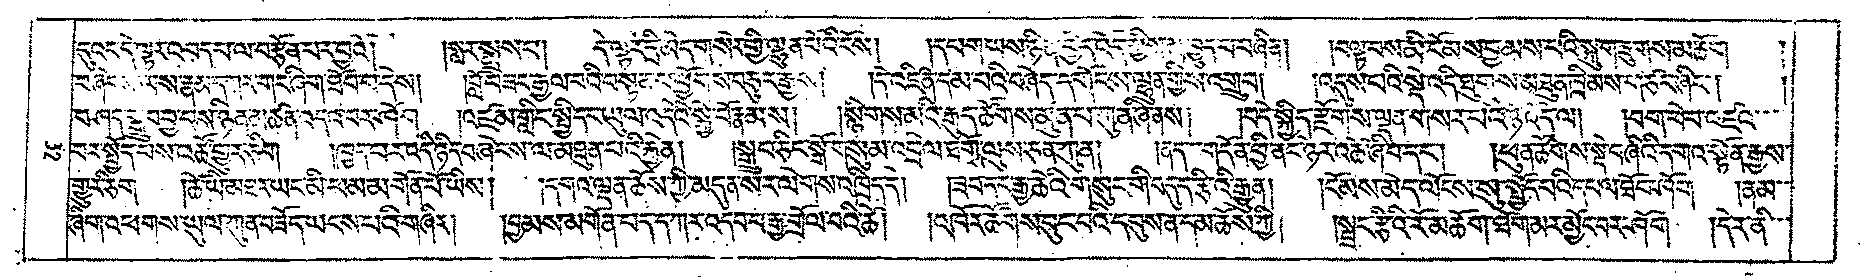དུའང་དེ་ལྟར་འབད་པ་ལ་བརྩོན་པར་བྱའོ། །སླར་སྨྲས་པ། དེ་ལྟར་དྲི་མེད་གསེར་གྱི་ལྷུན་པོའི་ངོས། །དཔག་ཡས་ཉིན་བྱེད་འོད་ཀྱིས་མཁྱུད་པ་བཞིན། །བལྟ་བས་མི་ངོམས་བྱམས་པའི་སྐུ་གཟུགས་མཆོག །
བཞེངས་ལས་རྣམ་དཀར་གང་ཞིག་ཐོབ་པ་དེས། །བློ་བཟང་རྒྱལ་བའི་བསྟན་པ་ཕྱོགས་བཅུར་རྒྱས། །དེ་འཛིན་དམ་པའི་བཞེད་དགོངས་ལྷུན་གྱིས་འགྲུབ། །འདུས་པའི་སྡེ་འདི་ཐུགས་མཐུན་ཁྲིམས་གཙང་ཞིང་། །
བཤད་སྒྲུབ་བྱ་བས་ཉིན་མཚན་འདའ་བར་ཤོག །འཛམ་གླིང་སྤྱི་དང་ཡུལ་འདིའི་སྐྱེ་བོ་རྣམས། །སྙིགས་མའི་རྒུད་ཚོགས་མུན་པ་ཀུན་ཞི་ནས། །བདེ་སྐྱིད་རྫོགས་ལྡན་གསར་པའི་ཉི་འོད་ལ། །བག་ཕེབ་འཛའ་
བར་སྤྱོད་པས་འཚོ་གྱུར་ཅིག །ཁྱད་པར་འདི་ཉིད་བཞེངས་ལ་མཐུན་པའི་རྐྱེན། །སྒྲུབ་ཅིང་སྒོ་གསུམ་འབྲེལ་ཐོགས་ལུས་ཅན་ཀུན། །ནད་གདོན་ཕྱི་ནང་ཉེར་འཚེ་ཞི་བ་དང་། །ཕུན་ཚོགས་སྡེ་བཞིའི་དགའ་སྟོན་རྒྱས་
གྱུར་ཅིག །ཚེ་ཡི་མཐར་ཡང་མི་ཕམ་མགོན་པོ་ཡིས། །དགའ་ལྡན་ཆོས་ཀྱི་མདུན་སར་ལེགས་འཁྲིད་དེ། །ཟབ་དང་རྒྱ་ཆེའི་གསུང་གི་བདུད་རྩིའི་རྒྱུན། །ངོམས་མེད་ལོངས་སུ་སྤྱོད་པའི་དཔལ་ཐོབ་ཤོག །ནམ་
ཞིག་འཕགས་ཡུལ་ཀུན་བཟོད་ཡངས་པའི་གཞིར། །བྱམས་མགོན་པད་དཀར་འདབ་བརྒྱ་གྲོལ་བའི་ཚེ། །འཁོར་ཚོགས་བུང་བའི་དབུས་ན་དམ་ཆོས་ཀྱི། །སྦྲང་རྩིའི་རོ་མཆོག་ཐོག་མར་མྱོང་བར་ཤོག །དེར་ནི་